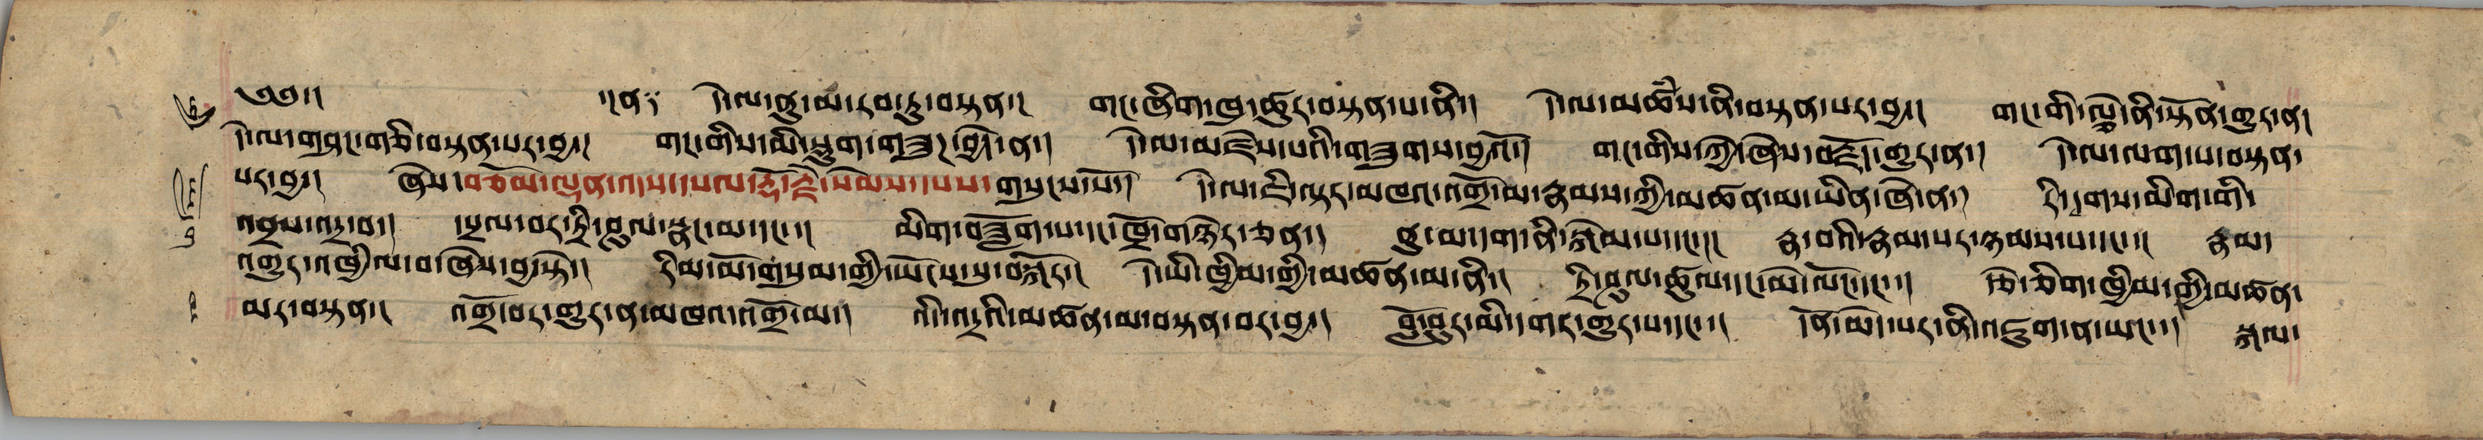༄༅་། ་།ན༑ དེ་ལ་ནུ་མ་རབ་ཏུ་བསྟན་། གང་ཞིག་ཁུ་ཚུར་བསྟན་པ་ནི་། དེ་ལ་མཚཾས་ནི་བསྟན་པར་བྱ་། གང་གི་ལྕེ་ནི་སྟོན་གྱུར་ན།
དེ་ལ་གཤང་གཅི་བསྟན་པར་བྱ་། གང་གིས་མི་སྡུག་གཟུཌ་བྱེད་ན་། དེ་ལ་མཛེས་པའི་གཟུགས་བྱའོ་། གང་གིས་ཀྱེ་ཞེས་བརྗོད་གྱུར་ན་། དེ་ལ་ལག་པ་བསྟན་
པར་བྱ་། ཞེས་བཅོམ་ལྡན་འདས་དཔལ་རྡོ་རྗེ་སེམས་དཔས་གསུངས་སོ་། དེ་ལ་ཇི་ལྟར་མཁའ་འགྲོ་མ་རྣམས་ཀྱི་མཚན་མ་ཡིན་ཞེ་ན་། རི་དྭགས་མིག་གི་
འབྲས་འདྲ་བ་། དཔྲལ་བར་ཏྲི་ཤུལ་སྣང་མ་དང་་། མིག་བཟློག་པ་དང་ཁྲོ་གཉེར་ཅན་། ནུ་མ་དག་ནི་སྐེམ་པ་དང་་། རྣ་བའི་རྣམ་པར་ཉམས་པ་དང་་། རྣམ་
འགྱུར་འཁྱིལ་བ་ཞེས་བྱ་སྟེ་། རིམ་མོ་གསུམ་གྱི་ཡོངས་སུ་བསྐོར་། དེ་ཡི་ཁྱིམ་གྱི་མཚན་མ་ནི་། ཏྲི་ཤུལ་ཚུལ་དང་མེ་ལོང་དང་་། རྩེ་ཅིག་ཁྱིམ་གྱི་མཚན་
མར་བསྟན་། འགྲོ་བར་གྱུར་ན་མཁའ་འགྲོ་མ་། འདི་འདྲའི་མཚན་མ་བསྟན་བར་བྱ་། བློ་བུར་མི་དགར་གྱུར་པ་དང་་། དོན་མེད་པར་ནི་འཇུག་ན་ཡང་། སྐལ་